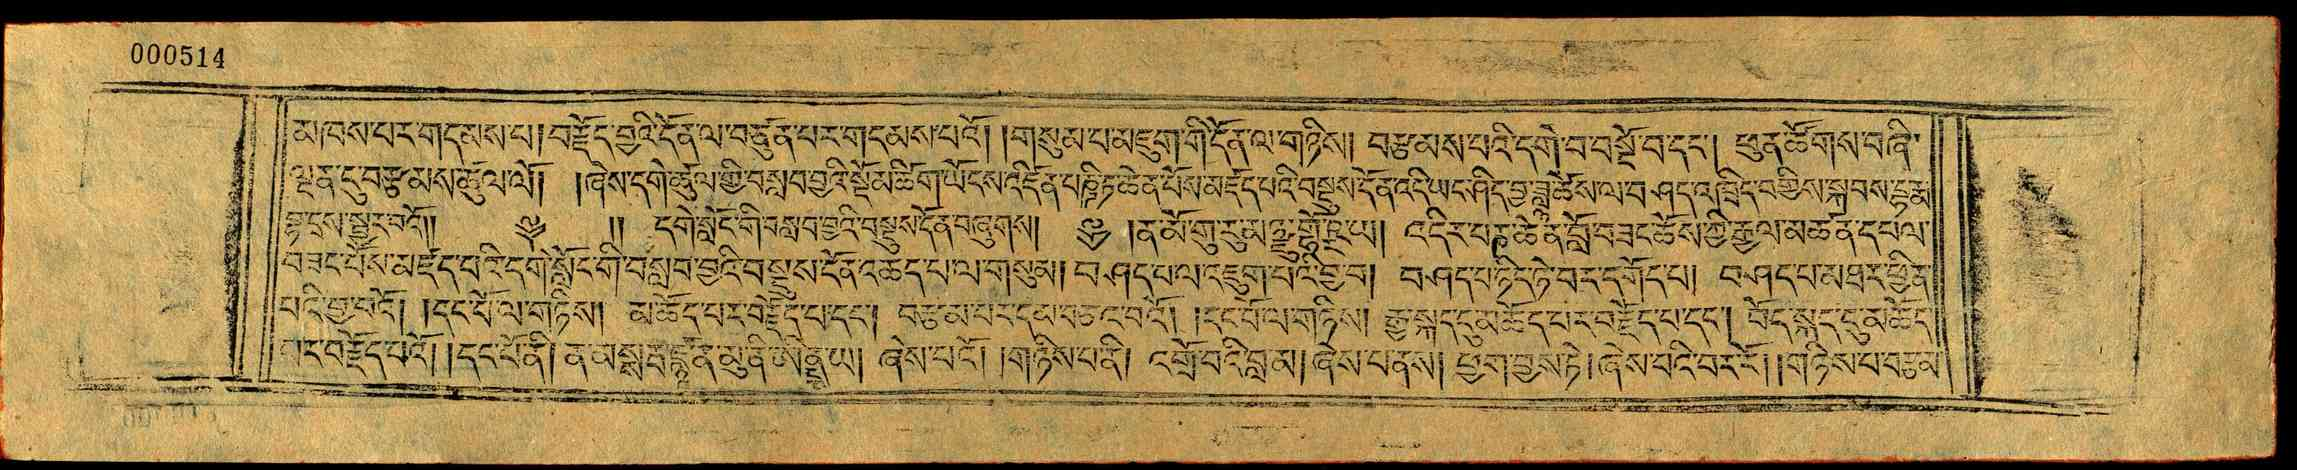མཁས་པར་གདམས་པ། བརྗོད་བྱའི་དོན་ལ་བཙུན་པར་གདམས་པའོ། །གསུམ་པ་མཇུག་གི་དོན་ལ་གཉིས། བརྩམས་པའི་དགེ་བ་བསྔོ་བ་དང་། ཕུན་ཚོགས་བཞི་
ལྡན་དུ་བརྩམས་ཚུལ་ལོ། །ཞེས་དགེ་ཚུལ་གྱི་བསླབ་བྱའི་སྡོམ་ཚིག་ཡོངས་འཛིན་པཎྜི་ཏ་ཆེན་པོས་མཛད་པའི་བསྡུས་དོན་འདི་ཡང་ཤིང་བྱ་ཟླ་ཚེས་ལ་བཤད་འཁྲིད་བགྱིས་སྐབས་དྷརྨ་
བྷ་དྲས་སྦྱར་བའོ།། ༈ །།དགེ་སློང་གི་བསླབ་བྱའི་བསྡུས་དོན་བཞུགས། ༈ །ན་མོ་གུ་རུ་མཉཛ་གྷO་ཥཱ་ཡ། འདིར་པཎ་ཆེན་བློ་བཟང་ཆོས་ཀྱི་རྒྱལ་མཚན་དཔལ་
བཟང་པོས་མཛད་པའི་དགེ་སློང་གི་བསླབ་བྱའི་བསྡུས་དོན་འཆད་པ་ལ་གསུམ། བཤད་པ་ལ་འཇུག་པའི་བྱ་བ། བཤད་པ་ཉིད་ཉེ་བར་དགོང་པ། བཤད་པ་མཐར་ཕྱིན་
པའི་བྱ་བའོ། །དང་པོ་ལ་གཉིས། མཆོད་པར་བརྗོད་པ་དང་། བརྩོམ་པར་དམ་བཅའ་བའོ། །དང་པོ་ལ་གཉིས། རྒྱ་སྐད་དུ་མཆོད་པར་བརྗོད་པ་དང་། བོད་སྐད་དུ་མཆོད་
པར་བརྗོད་པའོ། །དང་པོ་ནི། ན་མསྶྲྦ་ཛྙཱ་ན་མུ་ནི་ཨིནྡྲ་ཡ། ཞེས་པའོ། །གཉིས་པ་ནི། འགྲོ་བའི་བླ་མ། ཞེས་པ་ནས། ཕྱག་བྱས་ཏེ། ཞེས་པའི་བར་རོ། །གཉིས་པ་བརྩམ་